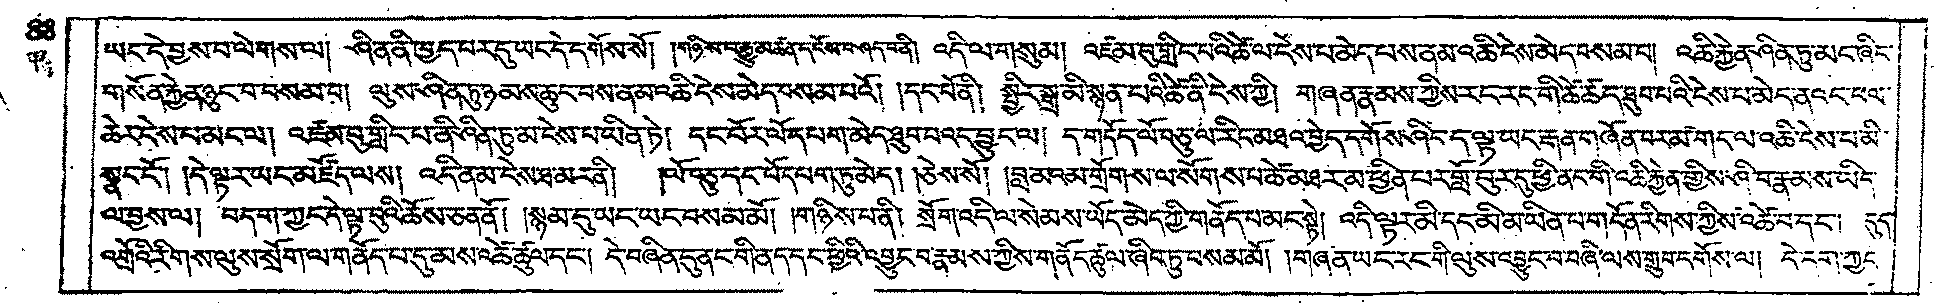ཡང་དེ་བྱས་པ་ལེགས་ལ། ཤི་ན་ནི་ཁྱད་པར་དུ་ཡང་དེ་དགོས་སོ། །གཉིས་པ་རྒྱུ་མཚན་དངོས་བཤད་པ་ནི།  འདི་ལ་གསུམ། འཛམ་བུ་གླིང་པའི་ཚེ་ལ་ངེས་པ་མེད་པས་ནམ་འཆི་ངེས་མེད་བསམ་པ། འཆི་རྐྱེནས་ཤིན་ཏུ་མང་ཞིང་
གསོན་རྐྱེན་ཉུང་བ་བསམ་བ། ལུས་ཤིན་ཏུ་ཉམས་ཆུང་བས་ནམ་འཆི་དེས་མེད་བསམ་པའོ། །དང་པོ་ནི། སྤྱིར་སྒྲ་མི་སྙན་པའི་ཚེ་ནི་ངེས་ཀྱི། གཞན་རྣམས་ཀྱིས་རང་རང་གི་ཚེ་ཚད་ཐུབ་པའི་ངེས་པ་མེད་ནའང་ཕལ་
ཆེར་ངེས་པ་མང་ལ། འཛམ་བུ་གླིང་པ་ནི་ཤིན་ཏུ་མ་ངེས་པ་ཡིན་ཏེ། དང་པོར་ལོ་དཔག་མེད་ཐུབ་པའང་བྱུང་ལ། ད་གདོད་ལོ་བཅུ་ལ་རིང་མཐའ་བྱེད་དགོས་ཤིང་ད་ལྟ་ཡང་རྒན་གཞོན་བར་མ་གང་ལ་འཆི་ངེས་པ་མི་
སྣང་ངོ། །དེ་ལྟར་ཡང་མཛོད་ལས། འདི་ན་མ་ངེས་ཐ་མར་ནི། །ལོ་བཅུ་དང་པོ་དཔག་ཏུ་མེད། །ཅེས་སོ། །བླ་མའམ་གྲོགས་ལ་སོགས་པ་ཚེ་མཐར་མ་ཕྱིན་པར་གློ་བུར་དུ་ཕྱི་ནང་གི་འཆི་རྐྱེན་གྱིས་ཤི་བ་རྣམས་ཡིད་
ལ་བྱས་ལ། བདག་ཀྱང་དེ་ལྟ་བུའི་ཆོས་ཅན་ནོ། །སྙམ་དུ་ཡང་ཡང་བསམ་མོ། །གཉིས་པ་ནི། སྲོག་འདི་ལ་སེམས་ཡོད་མེད་ཀྱི་གནོད་པ་མང་སྟེ། འདི་ལྟར་མི་དང་མི་མ་ཡིན་པ་གདོན་རིགས་ཀྱིས་འཚེ་བ་དང་། དུད་
འགྲོའི་རིགས་ལུས་སྲོག་ལ་གནོད་པ་དུ་མས་འཚེ་ཚུལ་དང་། དེ་བཞིན་དུ་ནང་གི་ནད་དང་ཕྱིའི་འབྱུང་བ་རྣམས་ཀྱིས་གནོད་ཚུལ་ཞིབ་ཏུ་བསམ་མོ། །གཞན་ཡང་རང་གི་ལུས་འབྱུང་བ་བཞི་ལས་གྲུབ་དགོས་ལ། དེ་དག་ཀྱང་